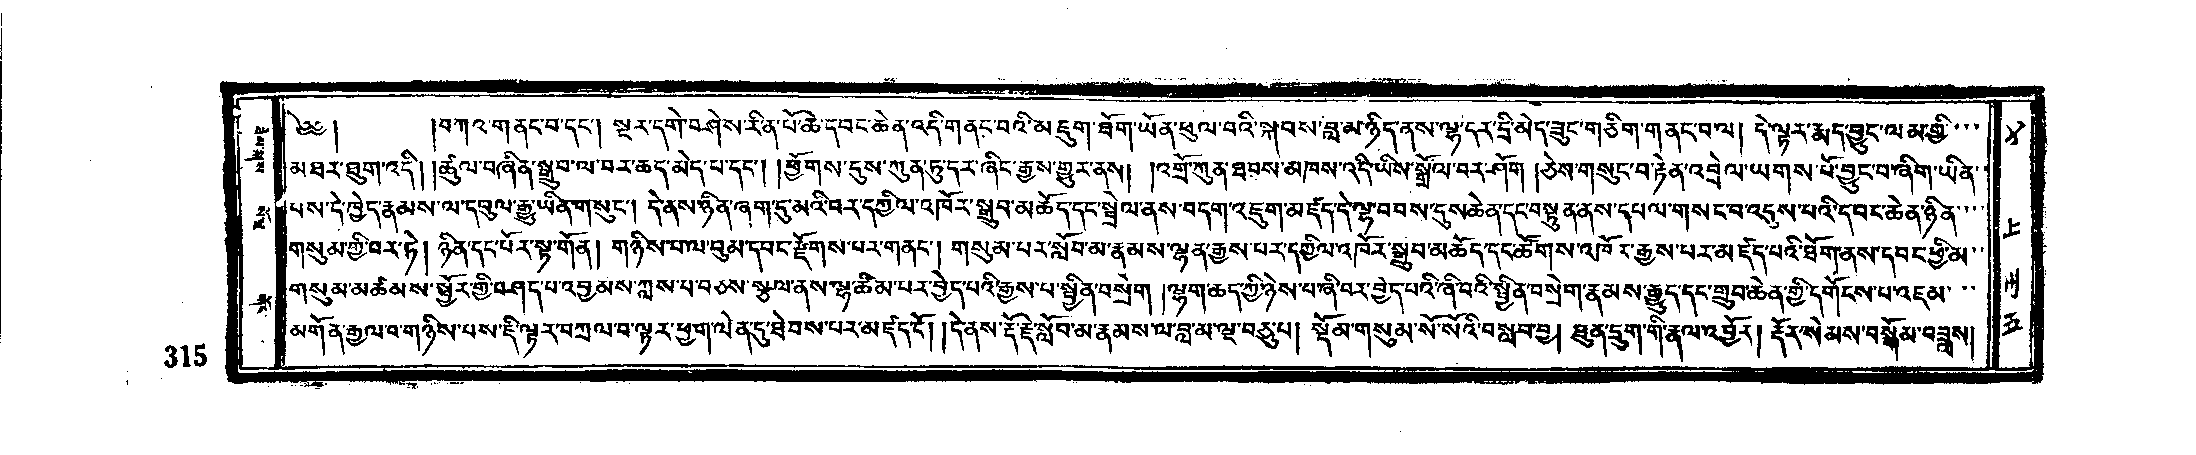༄༅། །བཀའ་གནང་བ་དང་། སྔར་དགེ་བཤེས་རིན་པོ་ཆེ་དབང་ཆེན་འདི་གནང་བའི་མཇུག་ཐོག་ཡོན་ཕུལ་བའི་སྐབས་བླ་མ་ཉིད་ནས་ལྷ་དར་དྲི་མེད་ཟུང་གཅིག་གནང་བ་ལ། དེ་ལྟར་རྨད་བྱུང་ལམ་གྱི་
མཐར་ཐུག་འདི། །ཚུལ་བཞིན་སྒྲུབ་ལ་བར་ཆད་མེད་པ་དང་། །ཕྱོགས་དུས་ཀུན་ཏུ་དར་ཞིང་རྒྱས་གྱུར་ནས། །འགྲོ་ཀུན་ཐབས་མཁས་འདི་ཡིས་སྒྲོལ་བར་ཤོག །ཅེས་གསུང་བ་རྟེན་འབྲེལ་ཡགས་པོ་བྱུང་བ་ཞིག་ཡིན་
པས་དེ་ཁྱེད་རྣམས་ལ་དབུལ་རྒྱུ་ཡིན་གསུང་། དེ་ནས་ཉིན་ཞག་དུ་མའི་བར་དཀྱིལ་འཁོར་སྒྲུབ་མཆོད་དང་སྦྲེལ་ནས་བདག་འཇུག་མཛད་དེ་ལྷ་བབས་དུས་ཆེན་དང་བསྟུན་ནས་དཔལ་གསང་བ་འདུས་པའི་དབང་ཆེན་ཉིན་
གསུམ་གྱི་བར་ཏེ། ཉིན་དང་པོར་སྟ་གོན། གཉིས་པ་ལ་བུམ་དབང་རྫོགས་པར་གནང་། གསུམ་པར་སློབ་མ་རྣམས་ལྷན་རྒྱས་པར་དཀྱིལ་འཁོར་སྒྲུབ་མཆོད་དང་ཚོགས་འཁོར་རྒྱས་པར་མཛད་པའི་ཐོག་ནས་དབང་ཕྱི་མ་
གསུམ་མཚམས་སྦྱོར་གྱི་བཤད་པ་འབྱམས་ཀླས་པ་བཅས་སྩལ་ནས་ལྷ་ཚིམ་པར་བྱེད་པའི་རྒྱས་པ་སྦྱིན་བསྲེག །ལྷག་ཆད་ཀྱི་ཉེས་པ་ཞི་བར་བྱེད་པའི་ཞི་བའི་སྦྱིན་བསྲེག་རྣམས་རྒྱུད་དང་གྲུབ་ཆེན་གྱི་དགོངས་པ་འཇམ་
མགོན་རྒྱལ་བ་གཉིས་པས་ཇི་ལྟར་བཀྲལ་བ་ལྟར་ཕྱག་ལེན་དུ་ཐེབས་པར་མཛད་དོ། །དེ་ནས་རྡོ་རྗེ་སློབ་མ་རྣམས་ལ་བླ་མ་ལྔ་བཅུ་པ། སྡོམ་གསུམ་སོ་སོའི་བསླབ་བྱ། ཐུན་དྲུག་གི་རྣལ་འབྱོར། རྡོར་སེམས་བསྒོམ་བཟླས།